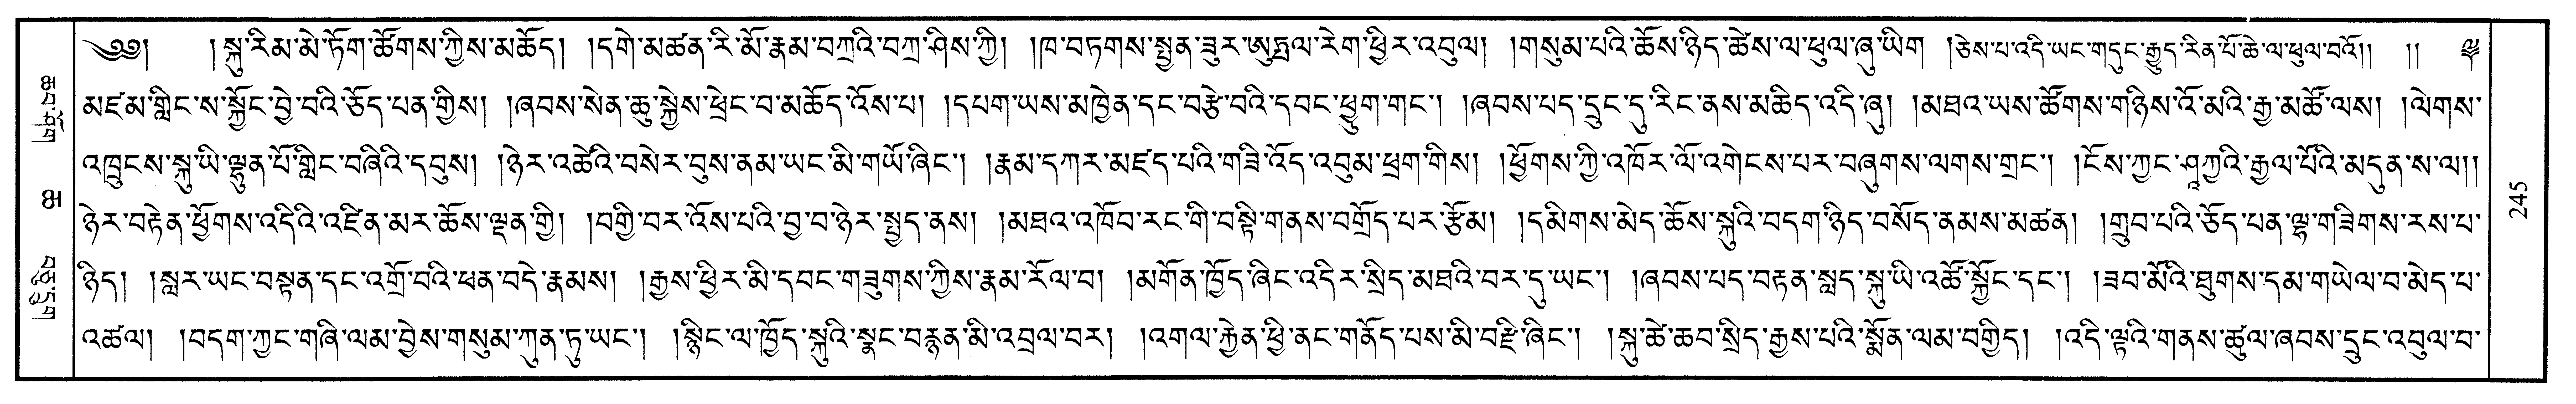༄༅། །སྐུ་རིམ་མེ་ཏོག་ཚོགས་ཀྱིས་མཆོད། །དགེ་མཚན་རི་མོ་རྣམ་བཀྲའི་བཀྲ་ཤིས་ཀྱི། །ཁ་བཏགས་སྤྱན་ཟུར་ཨུཏྤལ་རེག་ཕྱིར་འབུལ། །གསུམ་པའི་ཆོས་ཉིད་ཚེས་ལ་ཕུལ་ཞུ་ཡིག །ཅེས་པ་འདི་ཡང་གདུང་རྒྱུད་རིན་པོ་ཆེ་ལ་ཕུལ་བའོ།། །། ༈
མཛམ་གླིང་ས་སྐྱོང་བྱེ་བའི་ཅོད་པན་གྱིས། །ཞབས་སེན་ཆུ་སྐྱེས་ཕྲེང་བ་མཆོད་འོས་པ། །དཔག་ཡས་མཁྱེན་དང་བརྩེ་བའི་དབང་ཕྱུག་གང་། །ཞབས་པད་དྲུང་དུ་རིང་ནས་མཆིད་འདི་ཞུ། །མཐའ་ཡས་ཚོགས་གཉིས་འོ་མའི་རྒྱ་མཚོ་ལས། །ལེགས་
འཁྲུངས་སྐུ་ཡི་ལྷུན་པོ་གླིང་བཞིའི་དབུས། །ཉེར་འཚེའི་བསེར་བུས་ནམ་ཡང་མི་གཡོ་ཞིང་། །རྣམ་དཀར་མཛད་པའི་གཟི་འོད་འབུམ་ཕྲག་གིས། །ཕྱོགས་ཀྱི་འཁོར་ལོ་འགེངས་པར་བཞུགས་ལགས་གྲང་། །ངོས་ཀྱང་ཤཱཀྱའི་རྒྱལ་པོའི་མདུན་ས་ལ།།
ཉེར་བརྟེན་ཕྱོགས་འདིའི་འཛིན་མར་ཆོས་ལྡན་གྱི། །བགྱི་བར་འོས་པའི་བྱ་བ་ཉེར་སྤྱད་ནས། །མཐའ་འཁོབ་རང་གི་བསྟི་གནས་བགྲོད་པར་རྩོམ། །དམིགས་མེད་ཆོས་སྐུའི་བདག་ཉིད་བསོད་ནམས་མཚན། །གྲུབ་པའི་ཅོད་པན་ལྷ་གཟིགས་རས་པ་
ཉིད། །སླར་ཡང་བསྟན་དང་འགྲོ་བའི་ཕན་བདེ་རྣམས། །རྒྱས་ཕྱིར་མི་དབང་གཟུགས་ཀྱིས་རྣམ་རོལ་བ། །མགོན་ཁྱོད་ཞིང་འདིར་སྲིད་མཐའི་བར་དུ་ཡང་། །ཞབས་པད་བརྟན་སླད་སྐུ་ཡི་འཚོ་སྐྱོང་དང་། །ཟབ་མོའི་ཐུགས་དམ་གཡེལ་བ་མེད་པ་
འཚལ། །བདག་ཀྱང་གཞི་ལམ་བྱེས་གསུམ་ཀུན་ཏུ་ཡང་། །སྙིང་ལ་ཁྱོད་སྐུའི་སྣང་བརྙན་མི་འབྲལ་བར། །འགལ་རྐྱེན་ཕྱི་ནང་གནོད་པས་མི་བརྫི་ཞིང་། །སྐུ་ཚེ་ཆབ་སྲིད་རྒྱས་པའི་སྨོན་ལམ་བགྱིད། །འདི་ལྟའི་གནས་ཚུལ་ཞབས་དྲུང་འབུལ་བ་